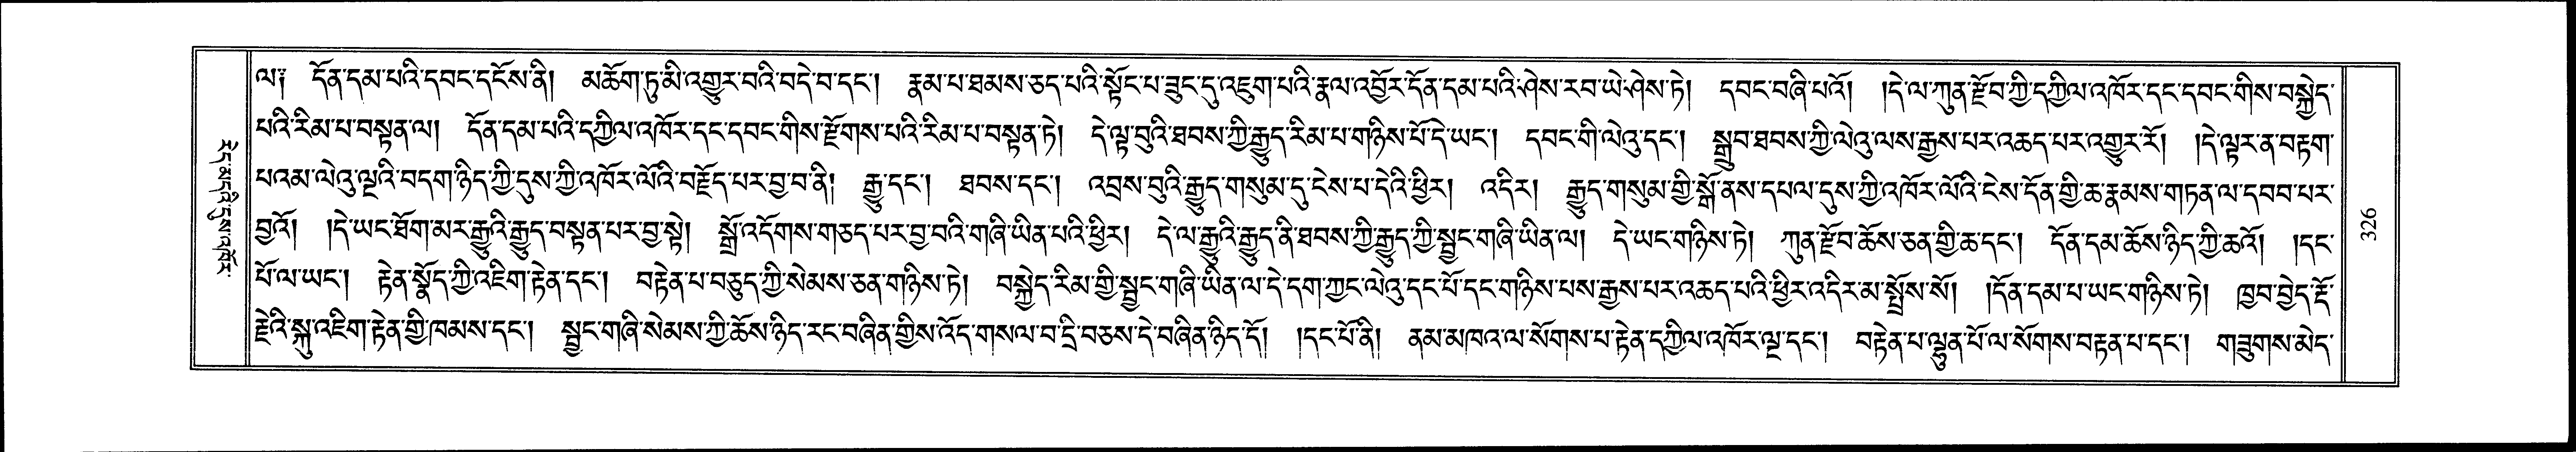ལ། དོན་དམ་པའི་དབང་དངོས་ནི། མཆོག་ཏུ་མི་འགྱུར་བའི་བདེ་བ་དང་། རྣམ་པ་ཐམས་ཅད་པའི་སྟོང་པ་ཟུང་དུ་འཇུག་པའི་རྣལ་འབྱོར་དོན་དམ་པའི་ཤེས་རབ་ཡེ་ཤེས་ཏེ། དབང་བཞི་པའོ། །དེ་ལ་ཀུན་རྫོབ་ཀྱི་དཀྱིལ་འཁོར་དང་དབང་གིས་བསྐྱེད་
པའི་རིམ་པ་བསྟན་ལ། དོན་དམ་པའི་དཀྱིལ་འཁོར་དང་དབང་གིས་རྫོགས་པའི་རིམ་པ་བསྟན་ཏེ། དེ་ལྟ་བུའི་ཐབས་ཀྱི་རྒྱུད་རིམ་པ་གཉིས་པོ་དེ་ཡང་། དབང་གི་ལེའུ་དང་། སྒྲུབ་ཐབས་ཀྱི་ལེའུ་ལས་རྒྱས་པར་འཆད་པར་འགྱུར་རོ། །དེ་ལྟར་ན་བརྟག་
པའམ་ལེའུ་ལྔའི་བདག་ཉིད་ཀྱི་དུས་ཀྱི་འཁོར་ལོའི་བརྗོད་པར་བྱ་བ་ནི། རྒྱུ་དང་། ཐབས་དང་། འབྲས་བུའི་རྒྱུད་གསུམ་དུ་ངེས་པ་དེའི་ཕྱིར། འདིར། རྒྱུད་གསུམ་གྱི་སྒོ་ནས་དཔལ་དུས་ཀྱི་འཁོར་ལོའི་ངེས་དོན་གྱི་ཆ་རྣམས་གཏན་ལ་དབབ་པར་
བྱའོ། །དེ་ཡང་ཐོག་མར་རྒྱུའི་རྒྱུད་བསྟན་པར་བྱ་སྟེ། སྒྲོ་འདོགས་གཅད་པར་བྱ་བའི་གཞི་ཡིན་པའི་ཕྱིར། དེ་ལ་རྒྱུའི་རྒྱུད་ནི་ཐབས་ཀྱི་རྒྱུད་ཀྱི་སྦྱང་གཞི་ཡིན་ལ། དེ་ཡང་གཉིས་ཏེ། ཀུན་རྫོབ་ཆོས་ཅན་གྱི་ཆ་དང་། དོན་དམ་ཆོས་ཉིད་ཀྱི་ཆའོ། །དང་
པོ་ལ་ཡང་། རྟེན་སྣོད་ཀྱི་འཇིག་རྟེན་དང་། བརྟེན་པ་བཅུད་ཀྱི་སེམས་ཅན་གཉིས་ཏེ། བསྐྱེད་རིམ་གྱི་སྦྱང་གཞི་ཡིན་ལ་དེ་དག་ཀྱང་ལེའུ་དང་པོ་དང་གཉིས་པས་རྒྱས་པར་འཆད་པའི་ཕྱིར་འདིར་མ་སྤྲོས་སོ། །དོན་དམ་པ་ཡང་གཉིས་ཏེ། ཁྱབ་བྱེད་རྡོ་
རྗེའི་སྐུ་འཇིག་རྟེན་གྱི་ཁམས་དང་། སྦྱང་གཞི་སེམས་ཀྱི་ཆོས་ཉིད་རང་བཞིན་གྱིས་འོད་གསལ་བ་དྲི་བཅས་དེ་བཞིན་ཉིད་དོ། །དང་པོ་ནི། ནམ་མཁའ་ལ་སོགས་པ་རྟེན་དཀྱིལ་འཁོར་ལྔ་དང་། བརྟེན་པ་ལྷུན་པོ་ལ་སོགས་བརྟན་པ་དང་། གཟུགས་མེད་